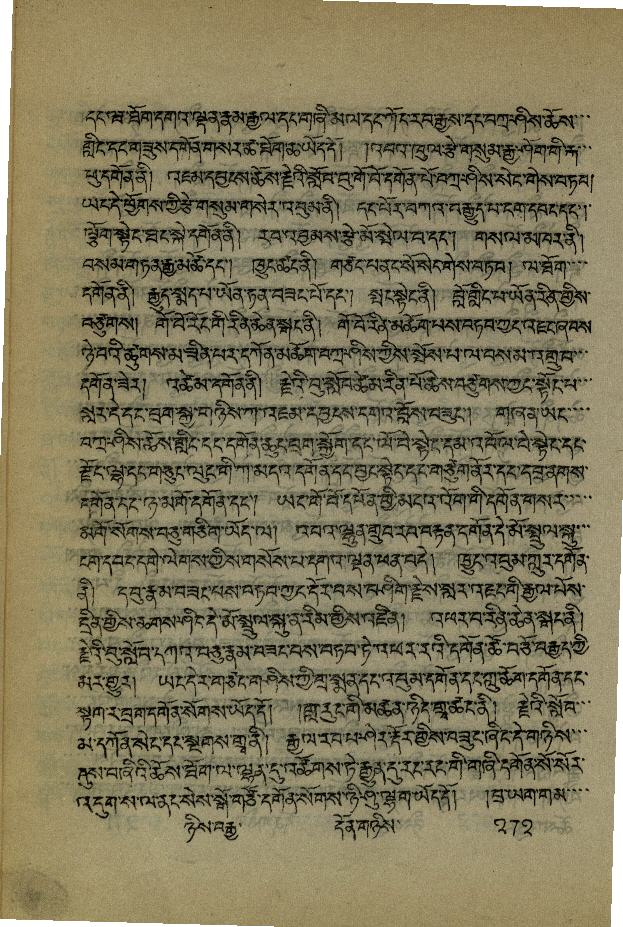དང་ཝ་ཐོག་དགའ་ལྡན་རྣམ་རྒྱལ་དང་གཞི་མལ་དང་ཀོང་རབ་རྒྱས་དང་བཀྲ་ཤིས་ཆོས་
གླིང་དང་གཟུས་དགོན་གསར་ཚ་ཐོག་ཆ་ཡོད་དོ། །འབའ་ཁུལ་རྩེ་གསུམ་རྒྱ་ཤོག་གི་རྐ་
ཕུ་དགོན་ནི། འཇམ་དབྱངས་ཆོས་རྗེའི་སློབ་བུ་གོ་བོ་དགོན་པོ་བཀྲ་ཤིས་སེང་གེས་བཏབ།
ཡང་དེ་ཕྱོགས་ཀྱི་རྩེ་གསུམ་གསེར་འབུམ་ནི། དང་པོར་བཀའ་བརྒྱུད་པ་ངག་དབང་དང་།
ལྕོག་སྟེང་ཐང་སྐེ་དགོན་ནི། རབ་འབྱམས་རྩེ་མོ་སྤེལ་བ་དང་། གསལ་མཁར་ནི།
བསམ་གཏན་རྒྱ་མཚོ་དང་། ཁྱུང་ཚང་ནི། གཙང་པ་ནང་སོ་སེང་གེས་བཏབ། ལ་ཐོག་
དགོན་ནི། རྒྱུད་སྨད་པ་ཡོན་ཏན་བཟང་པོ་དང་། སྤང་སྟེང་ནི། བློ་གླིང་པ་ཡོན་རིན་གྱིས་
བཙུགས། གོ་བོ་རོང་གི་རིན་ཆེན་སྒང་ནི། གོ་བོ་རིན་མཆོག་པས་བཏབ་ཀྱང་འཇང་ཞབས་
ཉེ་བའི་ཚུགས་མ་ཟིན་པར་དཀོན་མཆོག་བཀྲ་ཤིས་ཀྱིས་སྤོས་པ་ལ་བསམ་འགྲུབ་
དགོན་ཟེར། འཚེམ་དགོན་ནི། རྗེའི་བུ་སློབ་ཚེ་མ་རིན་པོ་ཆེས་བཙུགས་ཀྱང་སྟོང་པ་
སླར་དེ་དང་བྲག་སྐྱ་གཉིས་ཀ་འཇམ་དབྱངས་དགའ་བློས་བཟུང་། གཞན་ཡང་
བཀྲ་ཤིས་ཆོས་གླིང་དང་དགོན་ཆུང་བྲག་སྐྱོག་དང་ལོ་བེ་སྟེང་དམ་འབོལ་བེ་སྟེང་དང་
རྫོང་ལྷ་དང་གཅུང་ལུང་གི་ཀ་མདའ་དགོན་དང་བྱང་སྟེང་དང་གཙུག་ནོར་དང་དབྲ་ནགས་
དགོན་དང་ཉ་མགོ་དགོན་དང་། ཡང་གོ་བོ་དཔོན་གྱི་མངའ་འོག་གི་དགོན་གསར་
མགོ་སོགས་བཅུ་གཅིག་ཡོད་ལ། འབའ་ལྷུན་གྲུབ་རབ་བརྟན་དགོན་དེ་མོ་སྤྲུལ་སྐུ་
ངག་དབང་དགེ་ལེགས་ཀྱིས་གསོས་པ་དགའ་ལྡན་ཕན་བདེ། ཁྱུང་འབུམ་ཀླུར་དགོན་
ནི། དབུ་རྣམ་བཟང་པས་བཏབ་ཀྱང་དོར་བས་བཤིག་རྗེས་སླར་འཇང་གི་རྒྱལ་པོས་
དྲིན་གྱིས་ཆགས་ཤིང་དེ་མོ་སྤྲུལ་སྐུ་ན་རིམ་གྱིས་འཛིན། འཕར་བ་རིན་ཆེན་སྒང་ནི།
རྗེའི་བུ་སློབ་དཀའ་བཅུ་རྣམ་བཟང་བས་བཏབ་ཏེ་འཕར་རའི་དགོན་ཚོ་བཅོ་བརྒྱད་ཀྱི་
མར་གྱུར། ཡང་དེར་གཙང་གཤིས་ཀྱི་གྲ་སྨན་དང་འབུམ་དགོན་དང་ཀླུ་ཆོག་དགོན་དང་
སྟག་ར་བྲག་དགོན་སོགས་ཡོད་དོ། །གླ་རུང་གི་མཚན་ཉིད་གྲྭ་ཚང་ནི། རྗེའི་སློབ་
མ་དཀོན་སེང་དང་སྔགས་གྲྭ་ནི། རྒྱལ་རབ་པ་ཤེར་རྡོར་གྱིས་བཟུང་ཞིང་དེ་གཉིས་
ཤུས་བཞིའི་ཆོས་ཐོག་ལ་ལྷན་དུ་འཚོགས་ཏེ་རྒྱུན་དུ་རང་རང་གི་གཞི་དགོན་སོ་སོར་
འདུག་ས་ལ་ནང་སེས་སྒོ་གཙོ་དགོན་སོགས་ཉི་ཤུ་ལྷག་ཡོད་དོ། །བྲ་ཡག་གམ་